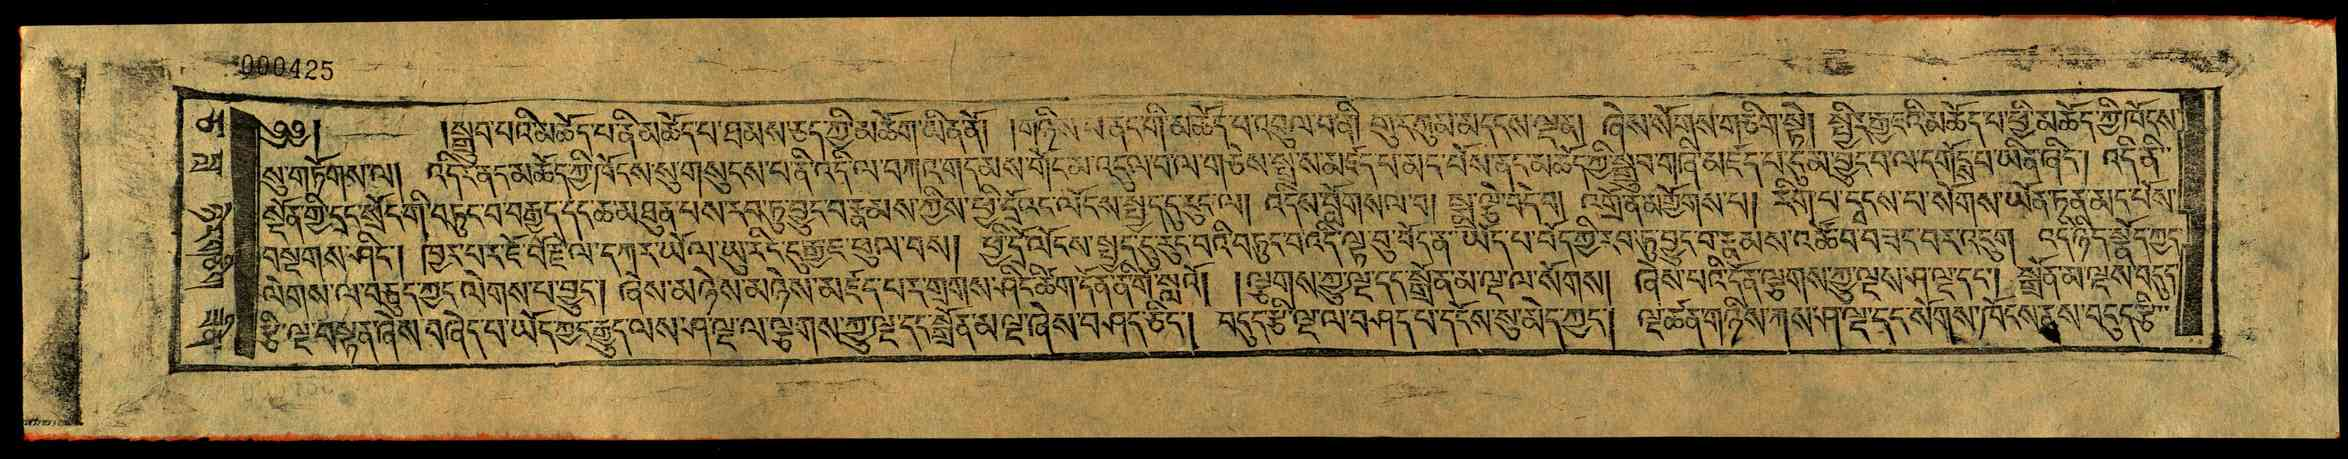༄༅། །སྒྲུབ་པའི་མཆོད་པ་ནི་མཆོད་པ་ཐམས་ཅད་ཀྱི་མཆོག་ཡིན་ནོ། །གཉིས་པ་ནང་གི་མཆོད་པ་འབུལ་བ་ནི། གུར་ཀུམ་མདངས་ལྡན། ཞེས་སོགས་གཅིག་སྟེ། སྤྱིར་རྒྱ་ཇའི་མཆོད་པ་ཕྱི་མཆོད་ཀྱི་ཁོངས་
སུ་གཏོགས་ལ། འདིར་ནང་མཆོད་ཀྱི་ཁོངས་སུ་གསུངས་པ་ནི་འདི་ལ་བཀའ་གདམས་གོང་མ་འདུལ་བ་ལ་གཅེས་སྤྲས་མཛད་པ་མང་པོས་ནང་མཆོད་ཀྱི་སྒྲུབ་གཞི་མཛད་པ་དུ་མ་བྱུང་བ་ལ་དགོངས་པ་ཡིན་ཞིང་། འདི་ནི་
སྔོན་གྱི་དྲང་སྲོང་གི་བཏུང་བ་བརྒྱད་དང་ཆ་མཐུན་པས་རབ་ཏུ་བྱུང་བ་རྣམས་ཀྱིས་ཕྱི་དྲོའང་ལོངས་སྤྱད་དུ་རུང་ལ། འདིས་བློ་གསལ་བ། སྨྲ་ལྕེ་བདེ་བ། འགྲོ་ན་མགྱོགས་པ། རིག་པ་དྭངས་པ་སོགས་ཡོན་ཏན་མང་པོས་
བསྔགས་ཤིང་། ཁྱད་པར་ཇོ་བོ་རྗེ་ལ་དཀར་ཡོལ་ཡུ་རིང་དུ་རྒྱ་ཇ་ཕུལ་བས། ཕྱི་དྲོ་ལོངས་སྤྱད་དུ་རུང་བའི་བཏུང་བ་འདི་ལྟ་བུ་བོད་ན་ཡོད་པ་བོད་ཀྱི་རབ་ཏུ་བྱུང་བ་རྣམས་འཚོ་བ་བཟང་བར་འདུག་འདི་ཉིད་སྣོད་ཀྱང་
ལེགས་ལ་བཅུད་ཀྱང་ལེགས་པ་བྱུང་། ཞེས་མཉེས་མཉེས་མཛད་པར་གྲགས་ཤིང་ཚིག་དོན་ནི་གོ་སླའོ། །ལྕགས་ཀྱུ་ལྔ་དང་སྒྲོན་མ་ལྔ་ལ་སོགས། ཞེས་པའི་དོན་ལྕགས་ཀྱུ་ལྔས་ཤ་ལྔ་དང་། སྒྲོན་མ་ལྔས་བདུད་
རྩི་ལྔ་བསྟན་ཞེས་བཞེད་པ་ཡོད་ཀྱང་རྒྱུད་ལས་ཤ་ལྔ་ལ་ལྕགས་ཀྱུ་ལྔ་དང་སྒྲོན་མ་ལྔ་ཞེས་བཤད་ཅིང་། བདུད་རྩི་ལྔ་ལ་བཤད་པ་དངོས་སུ་མེད་ཀྱང་། ལྔ་ཚན་གཉིས་ཀས་ཤ་ལྔ་དང་སོགས་ཁོངས་ནས་བདུད་རྩི་